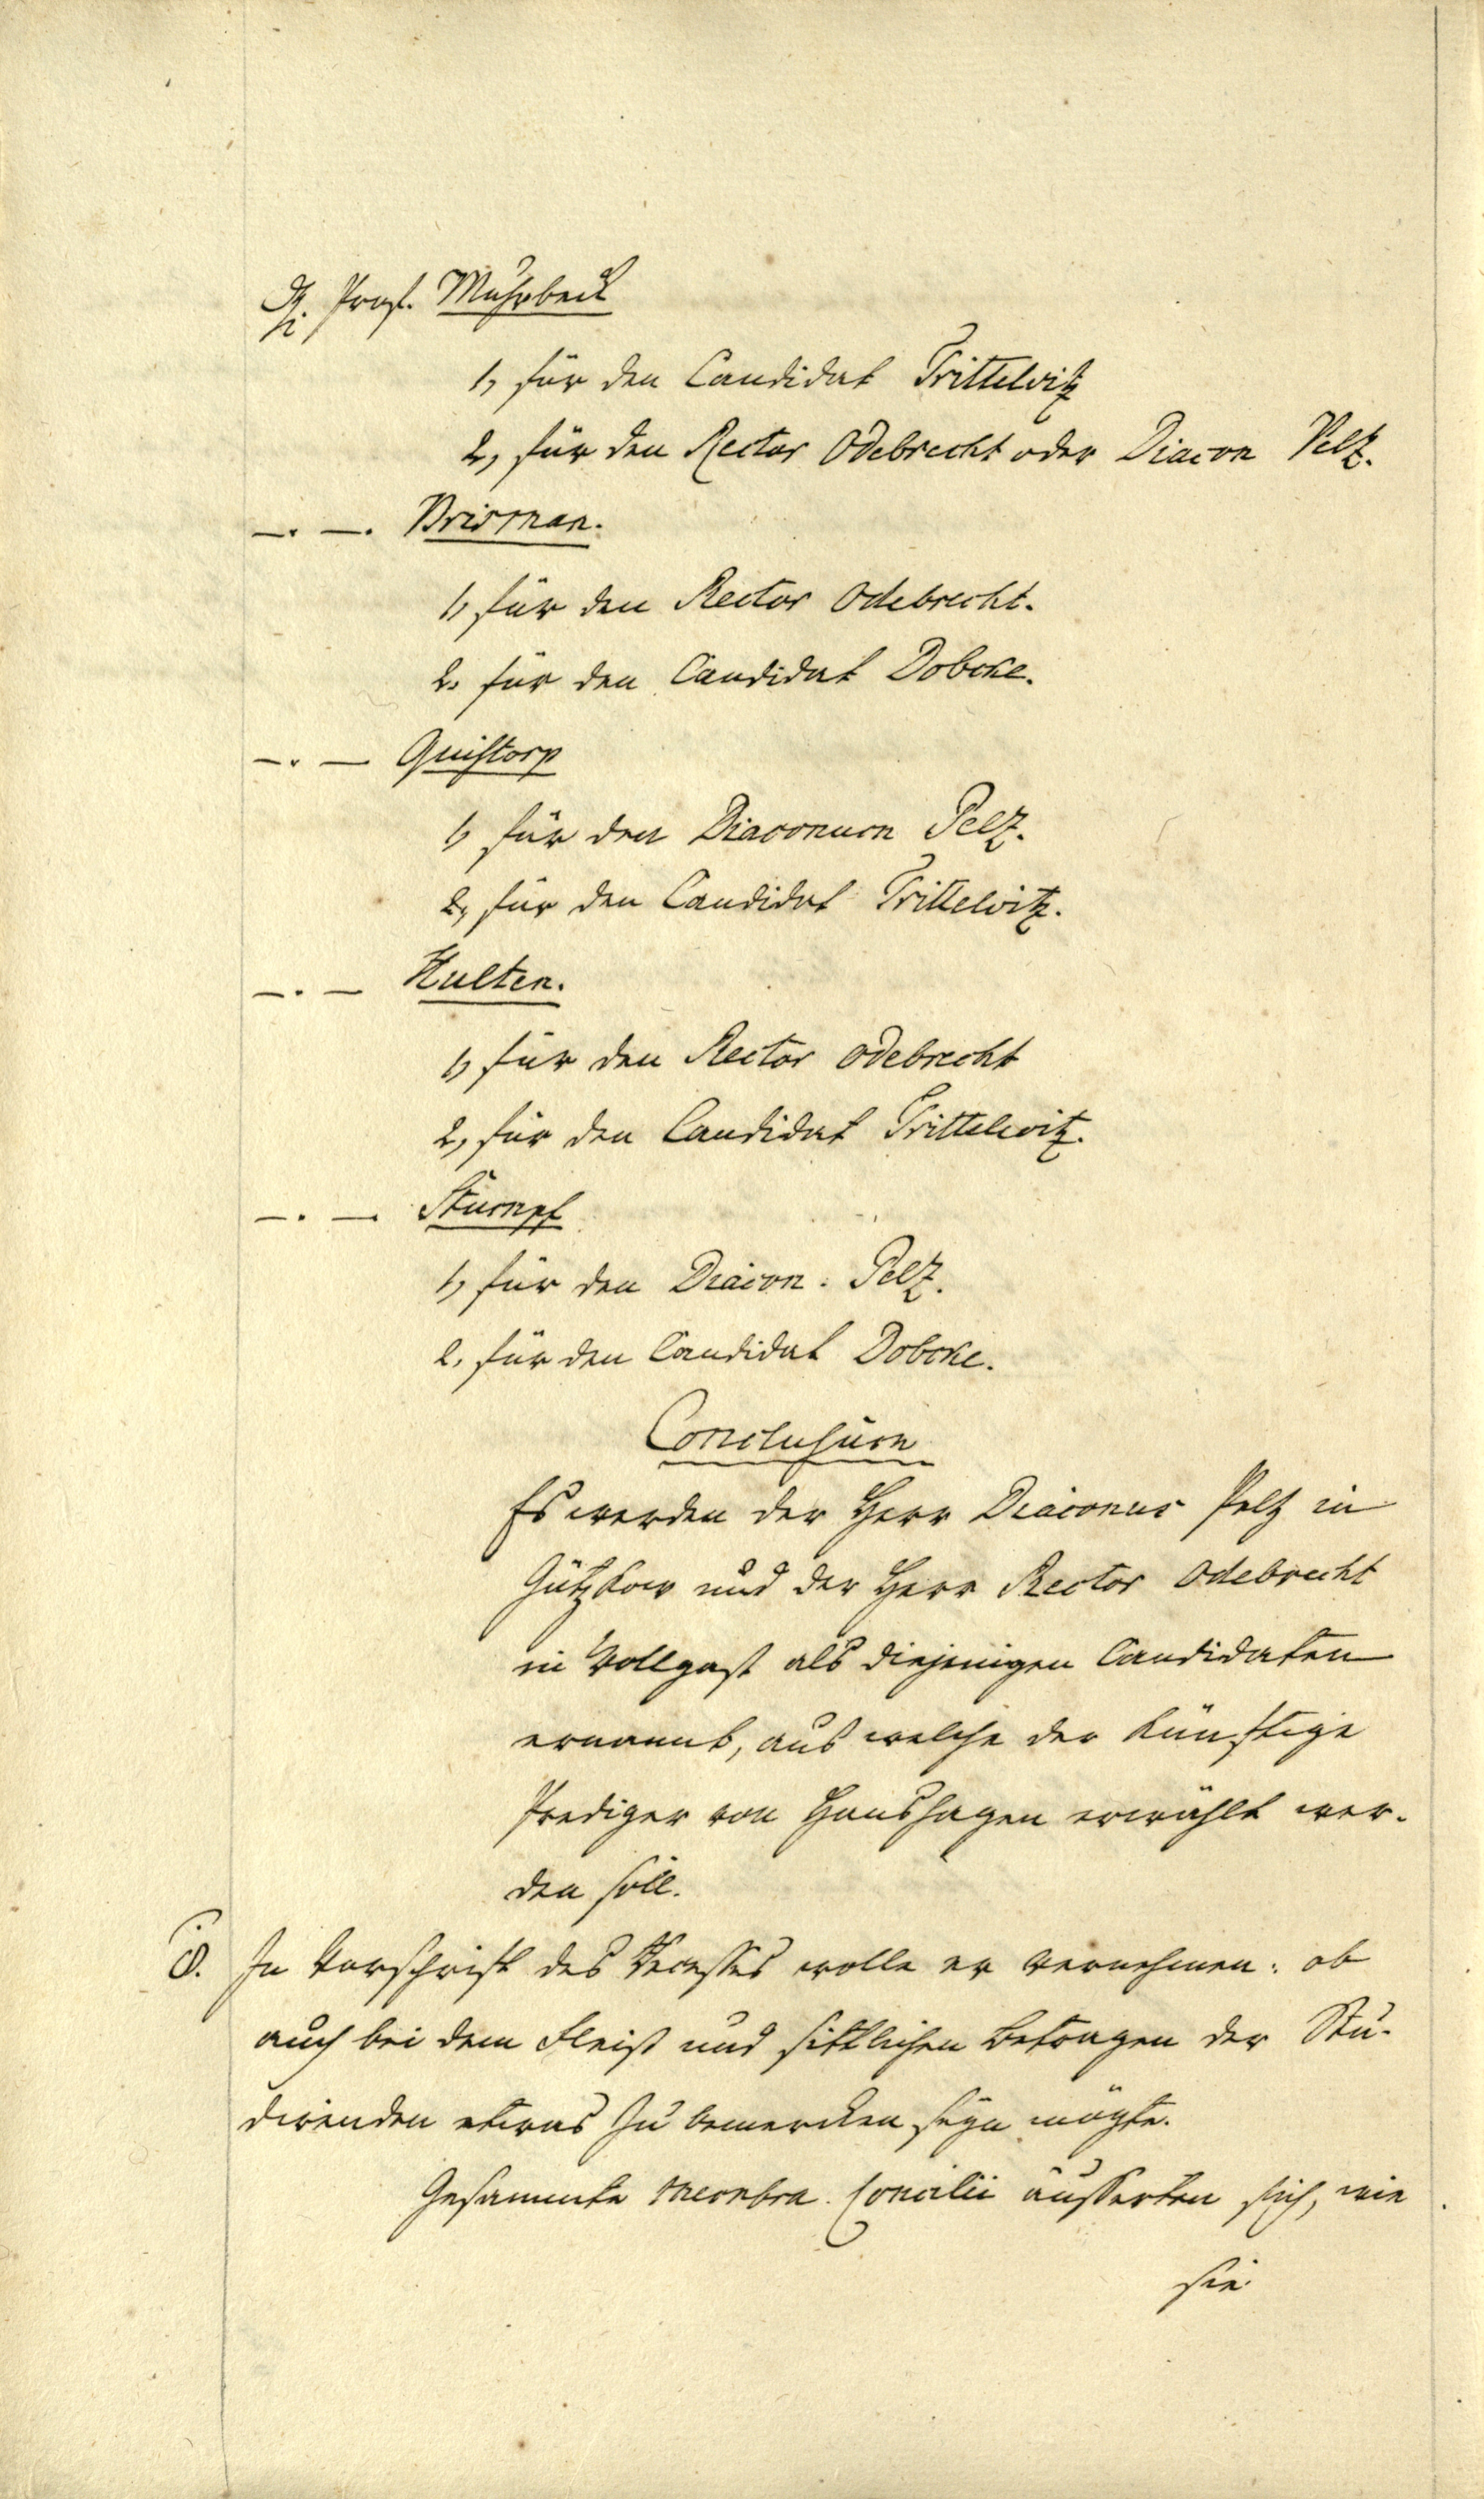dh. Prof. Muhrbeck
1, für den Candidat Trittelvitz
2, für den Rector Odebrecht oder Diacon Pelz.
— " - "Brisman.
1, für den Rector Odebrecht.
2. für den Candidat Dobcke.
— "- Quistorp
1. für den Diaconum Pelz.
2, für den Candidat Trittelvitz.
Hulten.
1, für den Rector Odebrecht
2, für den Candidat Trittelvitz.
Stumpf.
1. für den Diacon. Pelz.
2, für den Candidat Dobcke.
Conclusum
Es werden der Herr Diaconus Pelz in
Gützkow und der Herr Rector Odebrecht
in Wollgast als diejenigen Candidaten
ernannt, aus welche der künftige
Prediger von Hanshagen erwählt wer¬
den soll.
8. In Vorschrift des Recesses wolle er vernehmen: ob
auch bei dem Fleiß und sittlichen Betragen der Stu¬
direnden etwas zu bemercken seÿn mögte.
Gesammte Membra Concilii äusserten sich, wie
sie